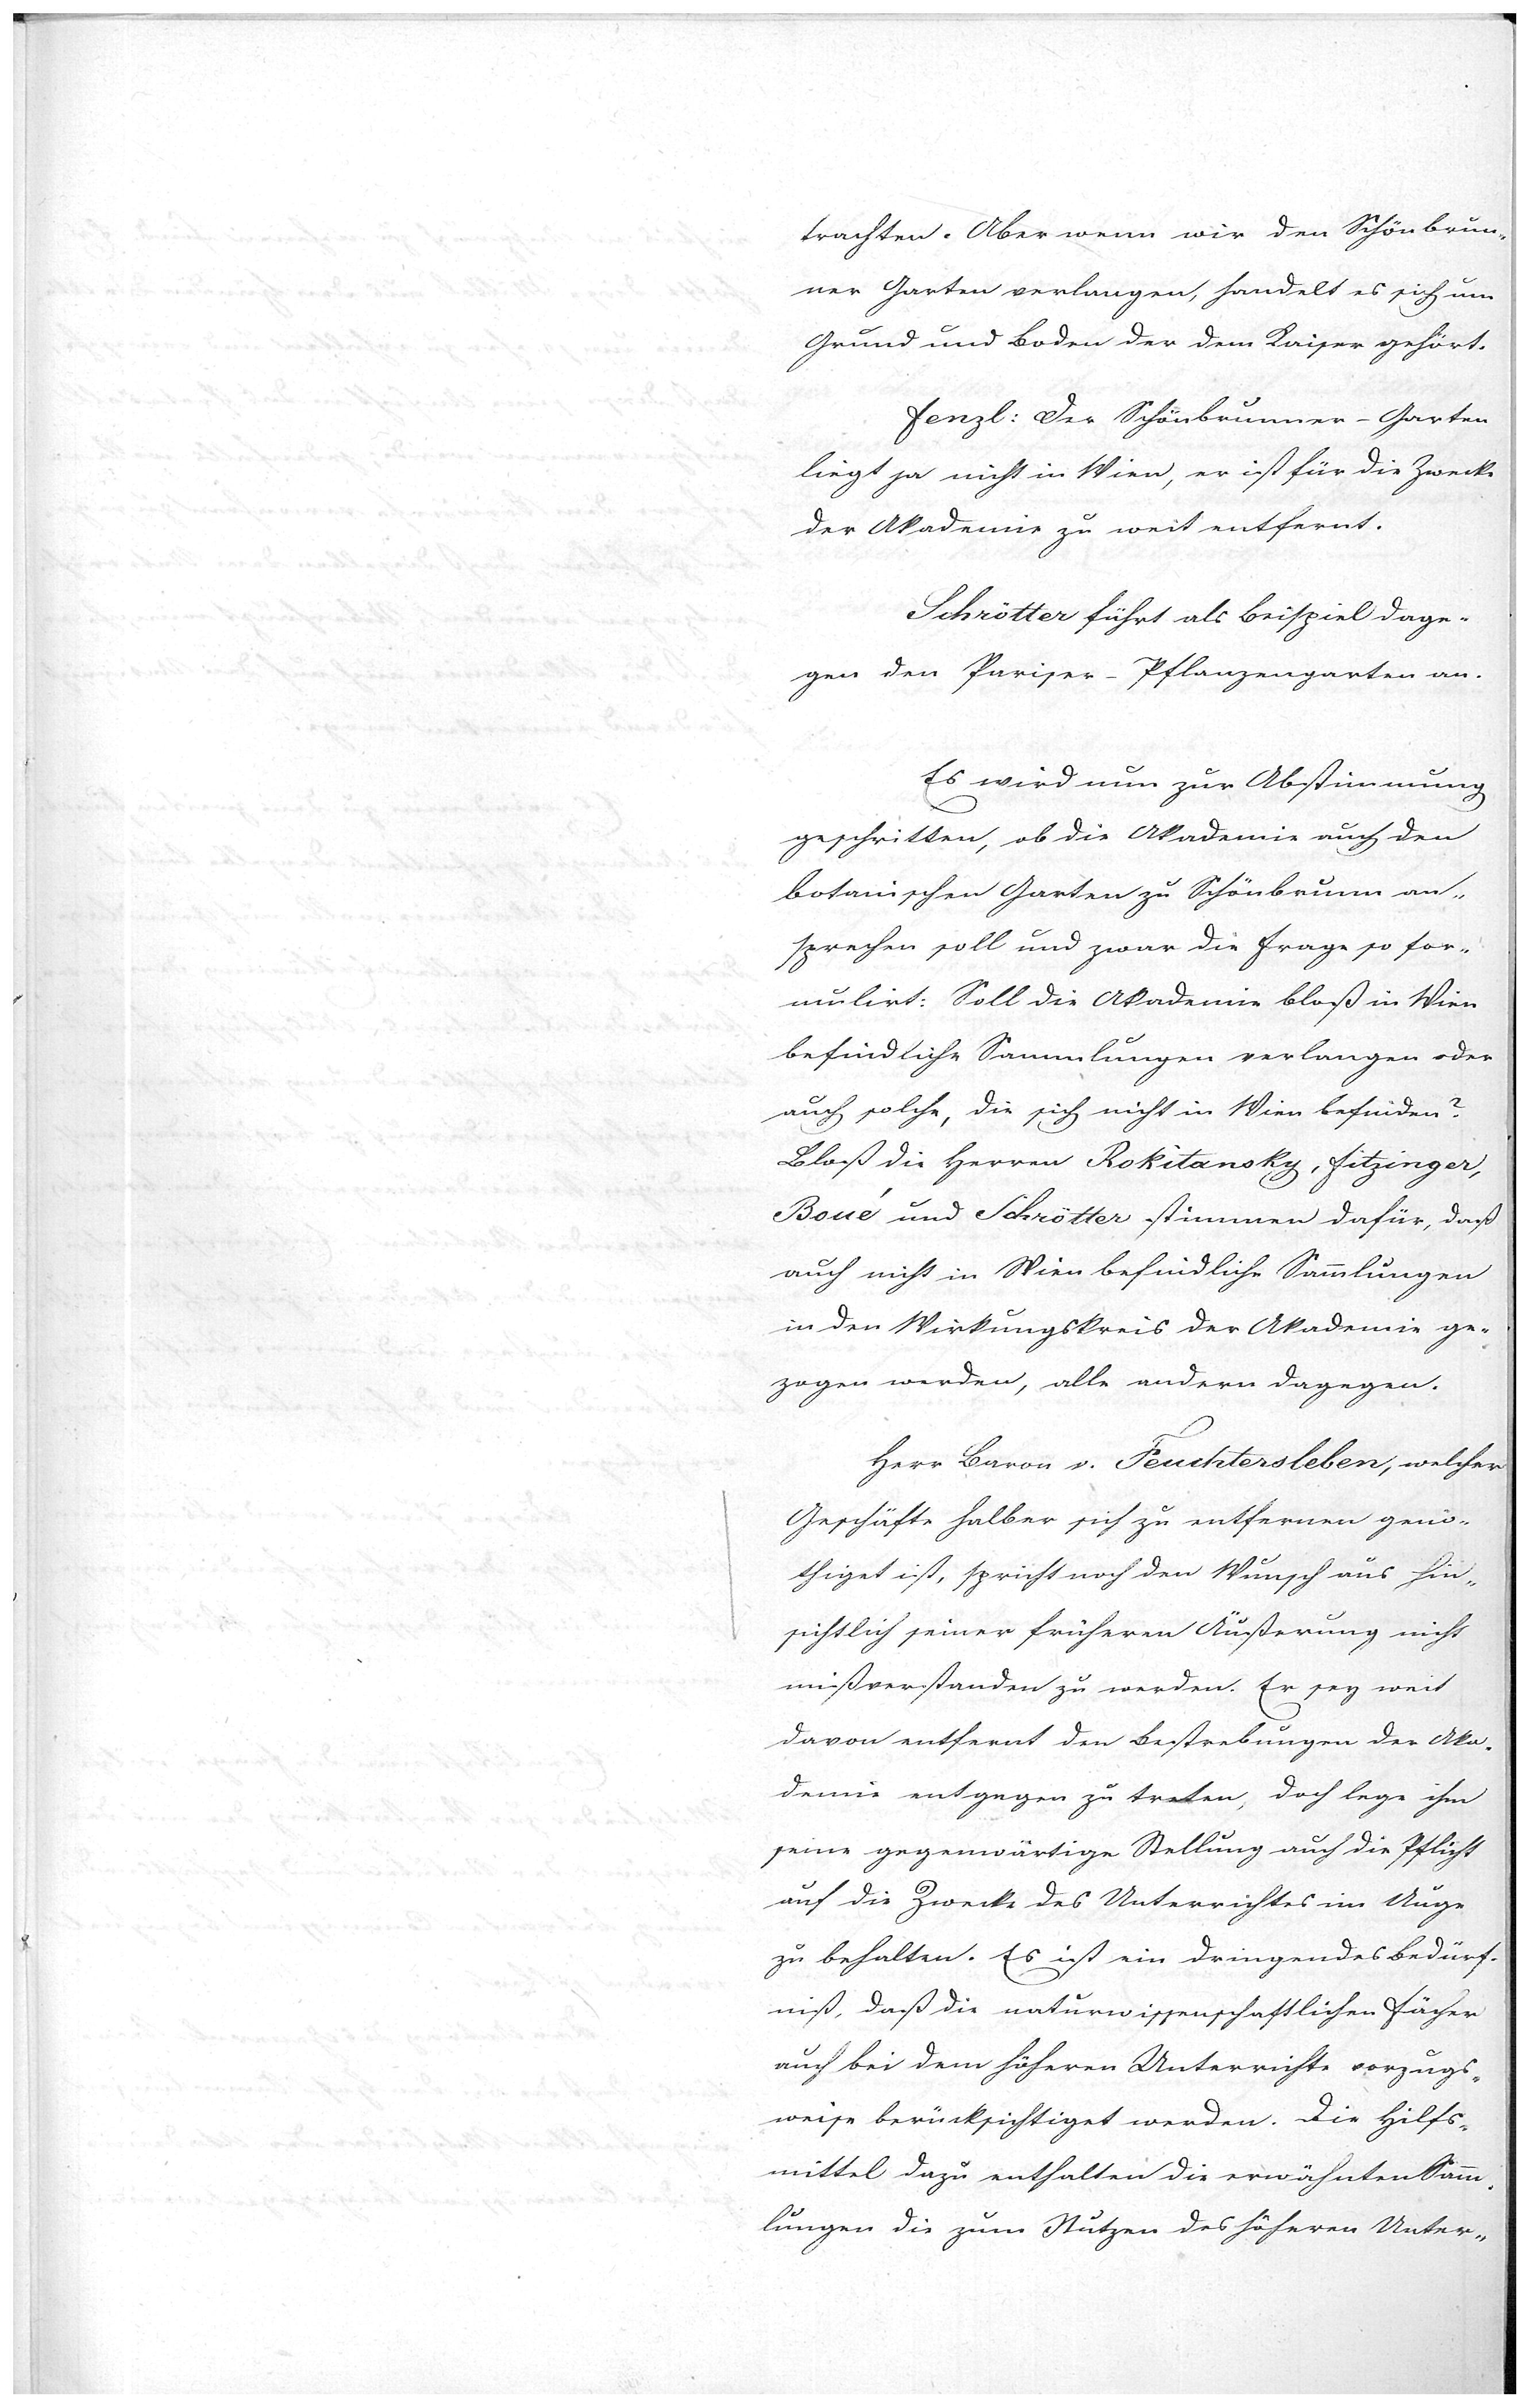trachten. Aber wenn wir den Schönbrun-
ner Garten verlangen, handelte es sich um
Grund und Boden der dem Kaiser gehört.
Fenzl: Der Schönbrunner-Garten
liegt ja nicht in Wien, er ist für die Zwecke
der Akademie zu weit entfernt.
Schrötter führt als Beispiel dage-
gen den Pariser-Pflanzengarten an.
Es wird nun zur Abstimmung
geschritten, ob die Akademie auch den
botanischen Garten zu Schönbrunn an-
sprechen soll und zwar die Frage so for-
mulirt: Soll die Akademie bloß in Wien
befindliche Sammlungen verlangen oder
auch solche, die sich nicht in Wien befinden?
Bloß die Herren Rokitansky, Fitzinger,
Boué und Schrötter stimmen dafür, daß
auch nicht in Wien befindlichen Sammlungen
in den Wirkungskreis der Akademie ge-
zogen werden, alle andern dagegen.
Herr Baron v. Feuchtersleben, welcher
Geschäfte halber sich zu entfernen genö-
thiget ist, spricht noch den Wunsch aus hin-
sichtlich seiner früheren Äußerung nicht
mißverstanden zu werden. Er sey weit
davon entfernt den Bestrebungen der Aka-
demie entgegen zu treten, doch lege ihm
seine gegenwärtige Stellung auch die Pflicht
auf die Zwecke des Unterrichtes im Auge
zu halten. Es ist ein dringendes Bedürf-
niß, daß die naturwissenschaftlichen Fächer
auch bei dem höheren Unterrichte vorzugs-
weise berücksichtiget werden. Die Hilfs-
mittel dazu enthalten die erwähnten Sam-
lungen die zum Nutzen des höheren Unter-